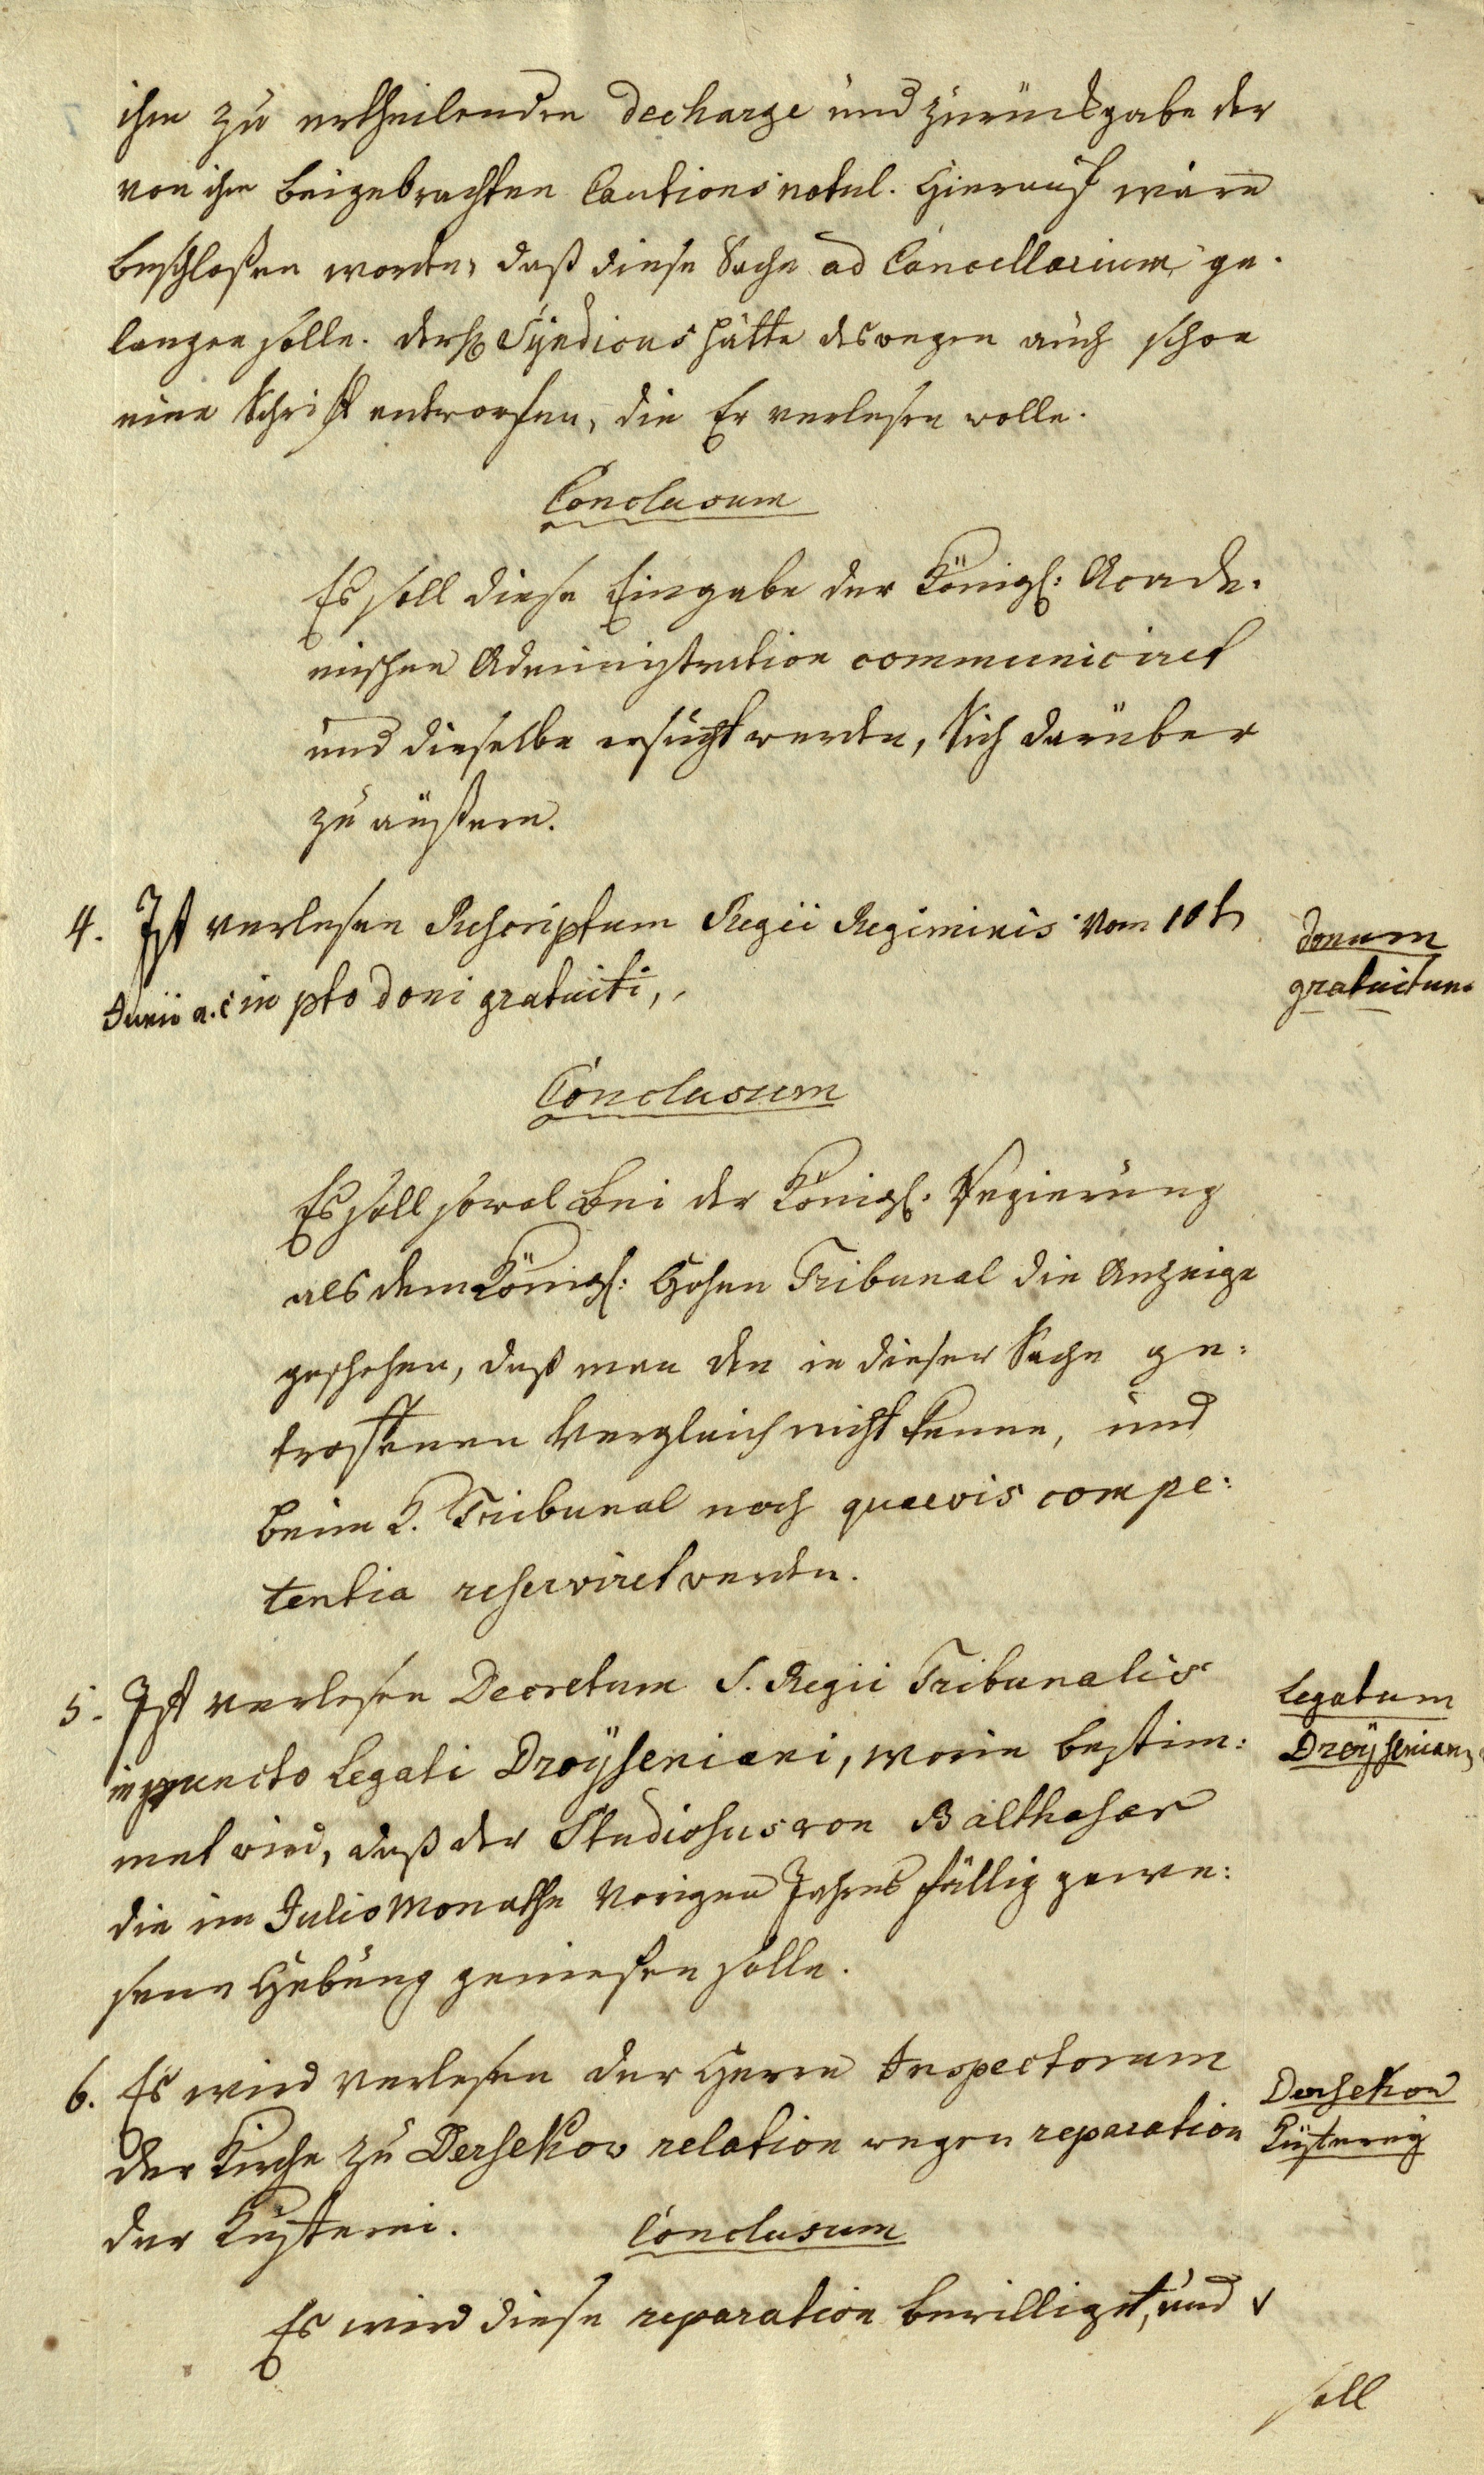ihm zu ertheilenden decharge und Zurückgabe der
von ihm beigebrachten Cautionsnotul. Hierauf wäre
beschloßen worden, daß diese Sache ad Cancellarium ge¬
langen solle. DerH. Sÿndicus hätte deswegen auch schon
eine Schrift entworfen, die Er verlesen wolle.
Conclusum
Es soll diese Eingabe der Königl. Acade¬
mischen Administration communiciret
und dieselbe ersucht werden, Sich darüber
zu äußern.
4. Ist verlesen Rescriptum Regii Regiminis vom 10t donum
Junii a. c. in pto doni gratuiti, gratuitun
Conclusum
Es soll sowol bei der Königl. Regierung
als dem Königl. Hohen Tribunal die Anzeige
geschehen, daß man den in dieser Sache ge¬
troffenen Vergleich nicht kenne, und
beim K. Tribunal noch quaevis compe¬
tentia reserviret werden.
5. Ist verlesen Decretum S. Regii Tribunalis legatum
in puncto Legati Droÿseniani, worin bestim¬ Droÿseniani
met wird, daß der Studiosus von Balthasar
die im Julio Monathe vorigen Jahres fällig gewe¬
sene Hebung geniesen solle.
6. Es wird verlesen der Herrn Inspectorum Dersekow
der Kirche zu Dersekow relation wegen reparation Küstereÿ
der Küsterei. Conclusum
Es wird diese reparation bewilliget, und
soll